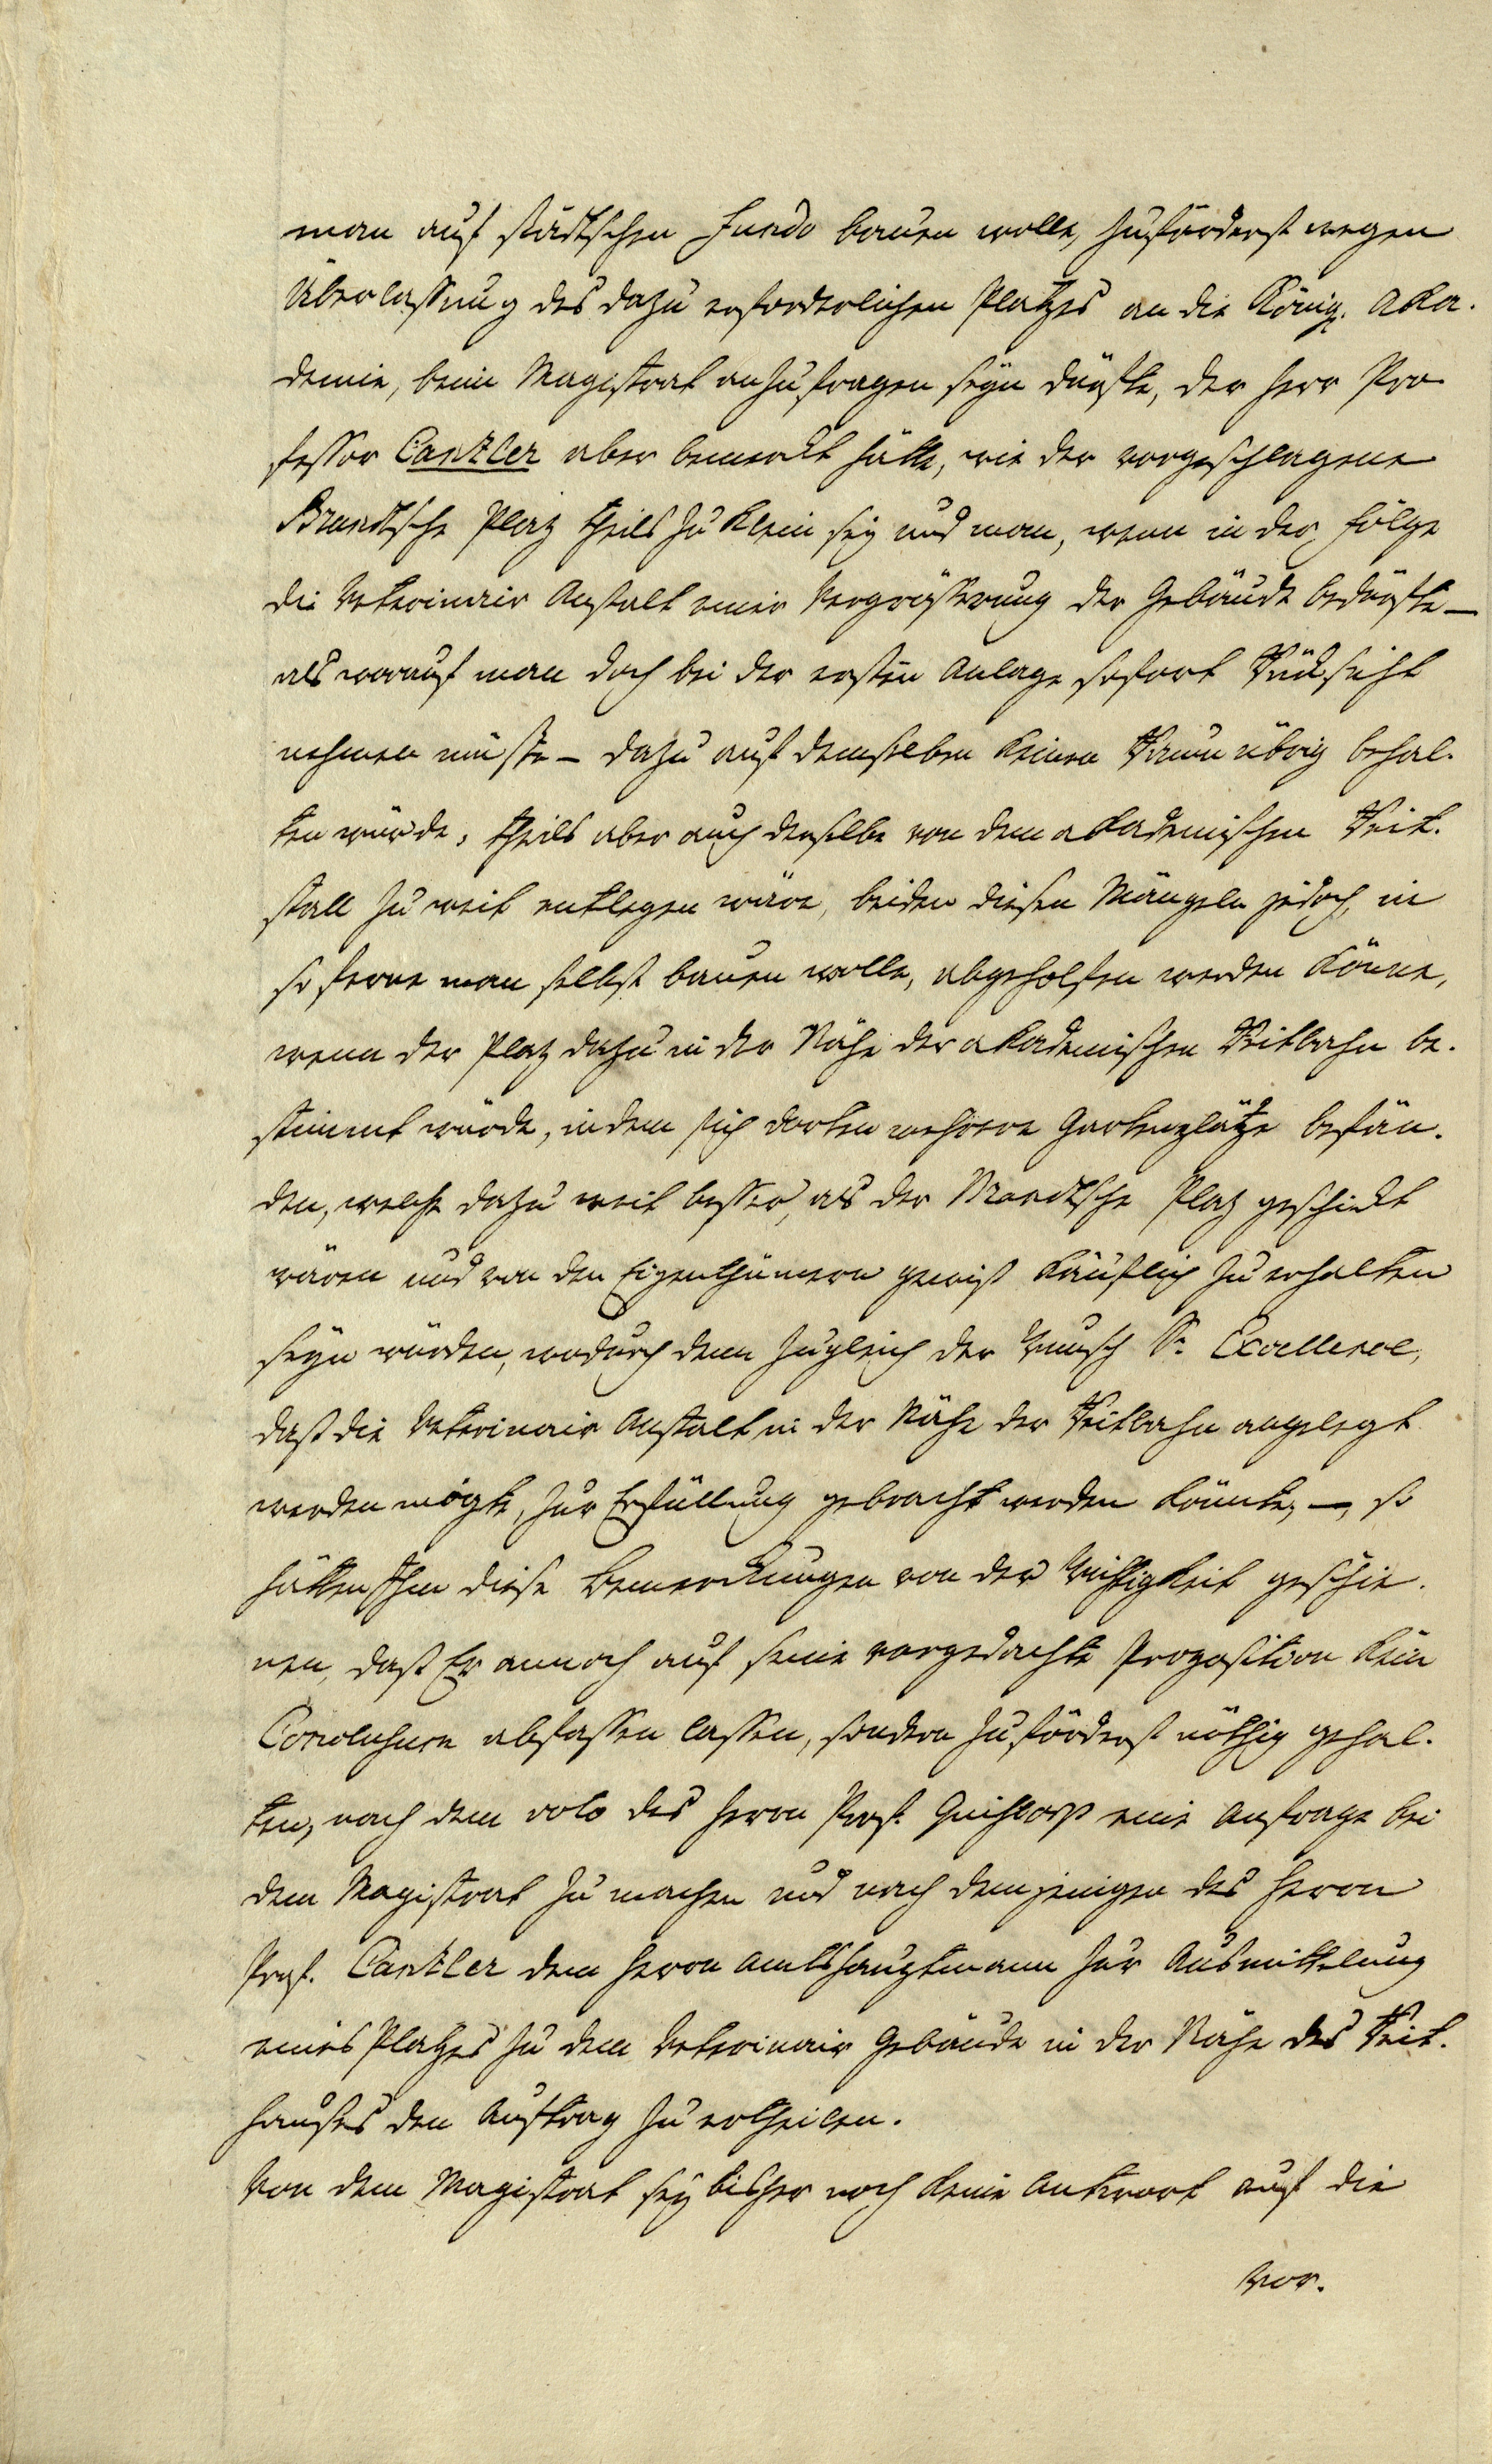man auf städtschen fundo bauen wolle, zuförderst wegen
Überlassung des dazu erforderlichen Platzes an die König. Aka¬
demie, beim Magistrat anzufragen seÿn dürfte, der Herr Pro¬
fessor Canzler aber bemerckt hätte, wie der vorgeschlagene
Brandtsche Platz theils zu klein seÿ und man, wenn in der Folge
die Veterinair Anstalt einer Vergrösserung der Gebäude bedürfte -
als worauf man doch bei der ersten Anlage sofort Rücksicht
nehmen müßte - dazu auf demselben keinen Raum übrig behal¬
ten würde, theils aber auch derselbe von dem akademischen Reit¬
stall zu weit entlegen wäre, beiden diesen Mängeln jedoch, in
so ferne man selbst bauen wolle, abgeholfen werden könne,
wenn der Platz, dazu in der Nähe der akademischen Reitbahn be¬
stimmt würde, indem sich dorten mehrere Gartenplätze befän¬
den, welche dazu weit besser, als der Brandtsche Platz geschickt
wären und von den Eigenthümern gewiß käuflich zu erhalten
seÿn würden, wodurch denn zugleich der Wunsch Sr. Excellence,
daß die Veterinair Anstalt in der Nähe der Reitbahn angelegt
werden mögte, zur Erfüllung gebracht werden könnte, so
hätten Ihm diese Bemerckungen von der Wichtigkeit geschie¬
nen, daß Er annoch auf seine vorgedachte Proposition kein
Conclusum abfassen lassen, sondern zuförderst nöthig gehal¬
ten, nach dem voto des Herrn Prof. Quistorp eine Anfrage bei
dem Magistrat zu machen und nach demjenigen des Herrn
Prof. Canzler dem Herrn Amtshauptmann zur Ausmittelung
eines Platzes zu dem Veterinair Gebäude in der Nähe des Reit¬
hauses den Auftrag zu ertheilen.
Von dem Magistrat seÿ bisher noch keine Antwort auf die
vor¬